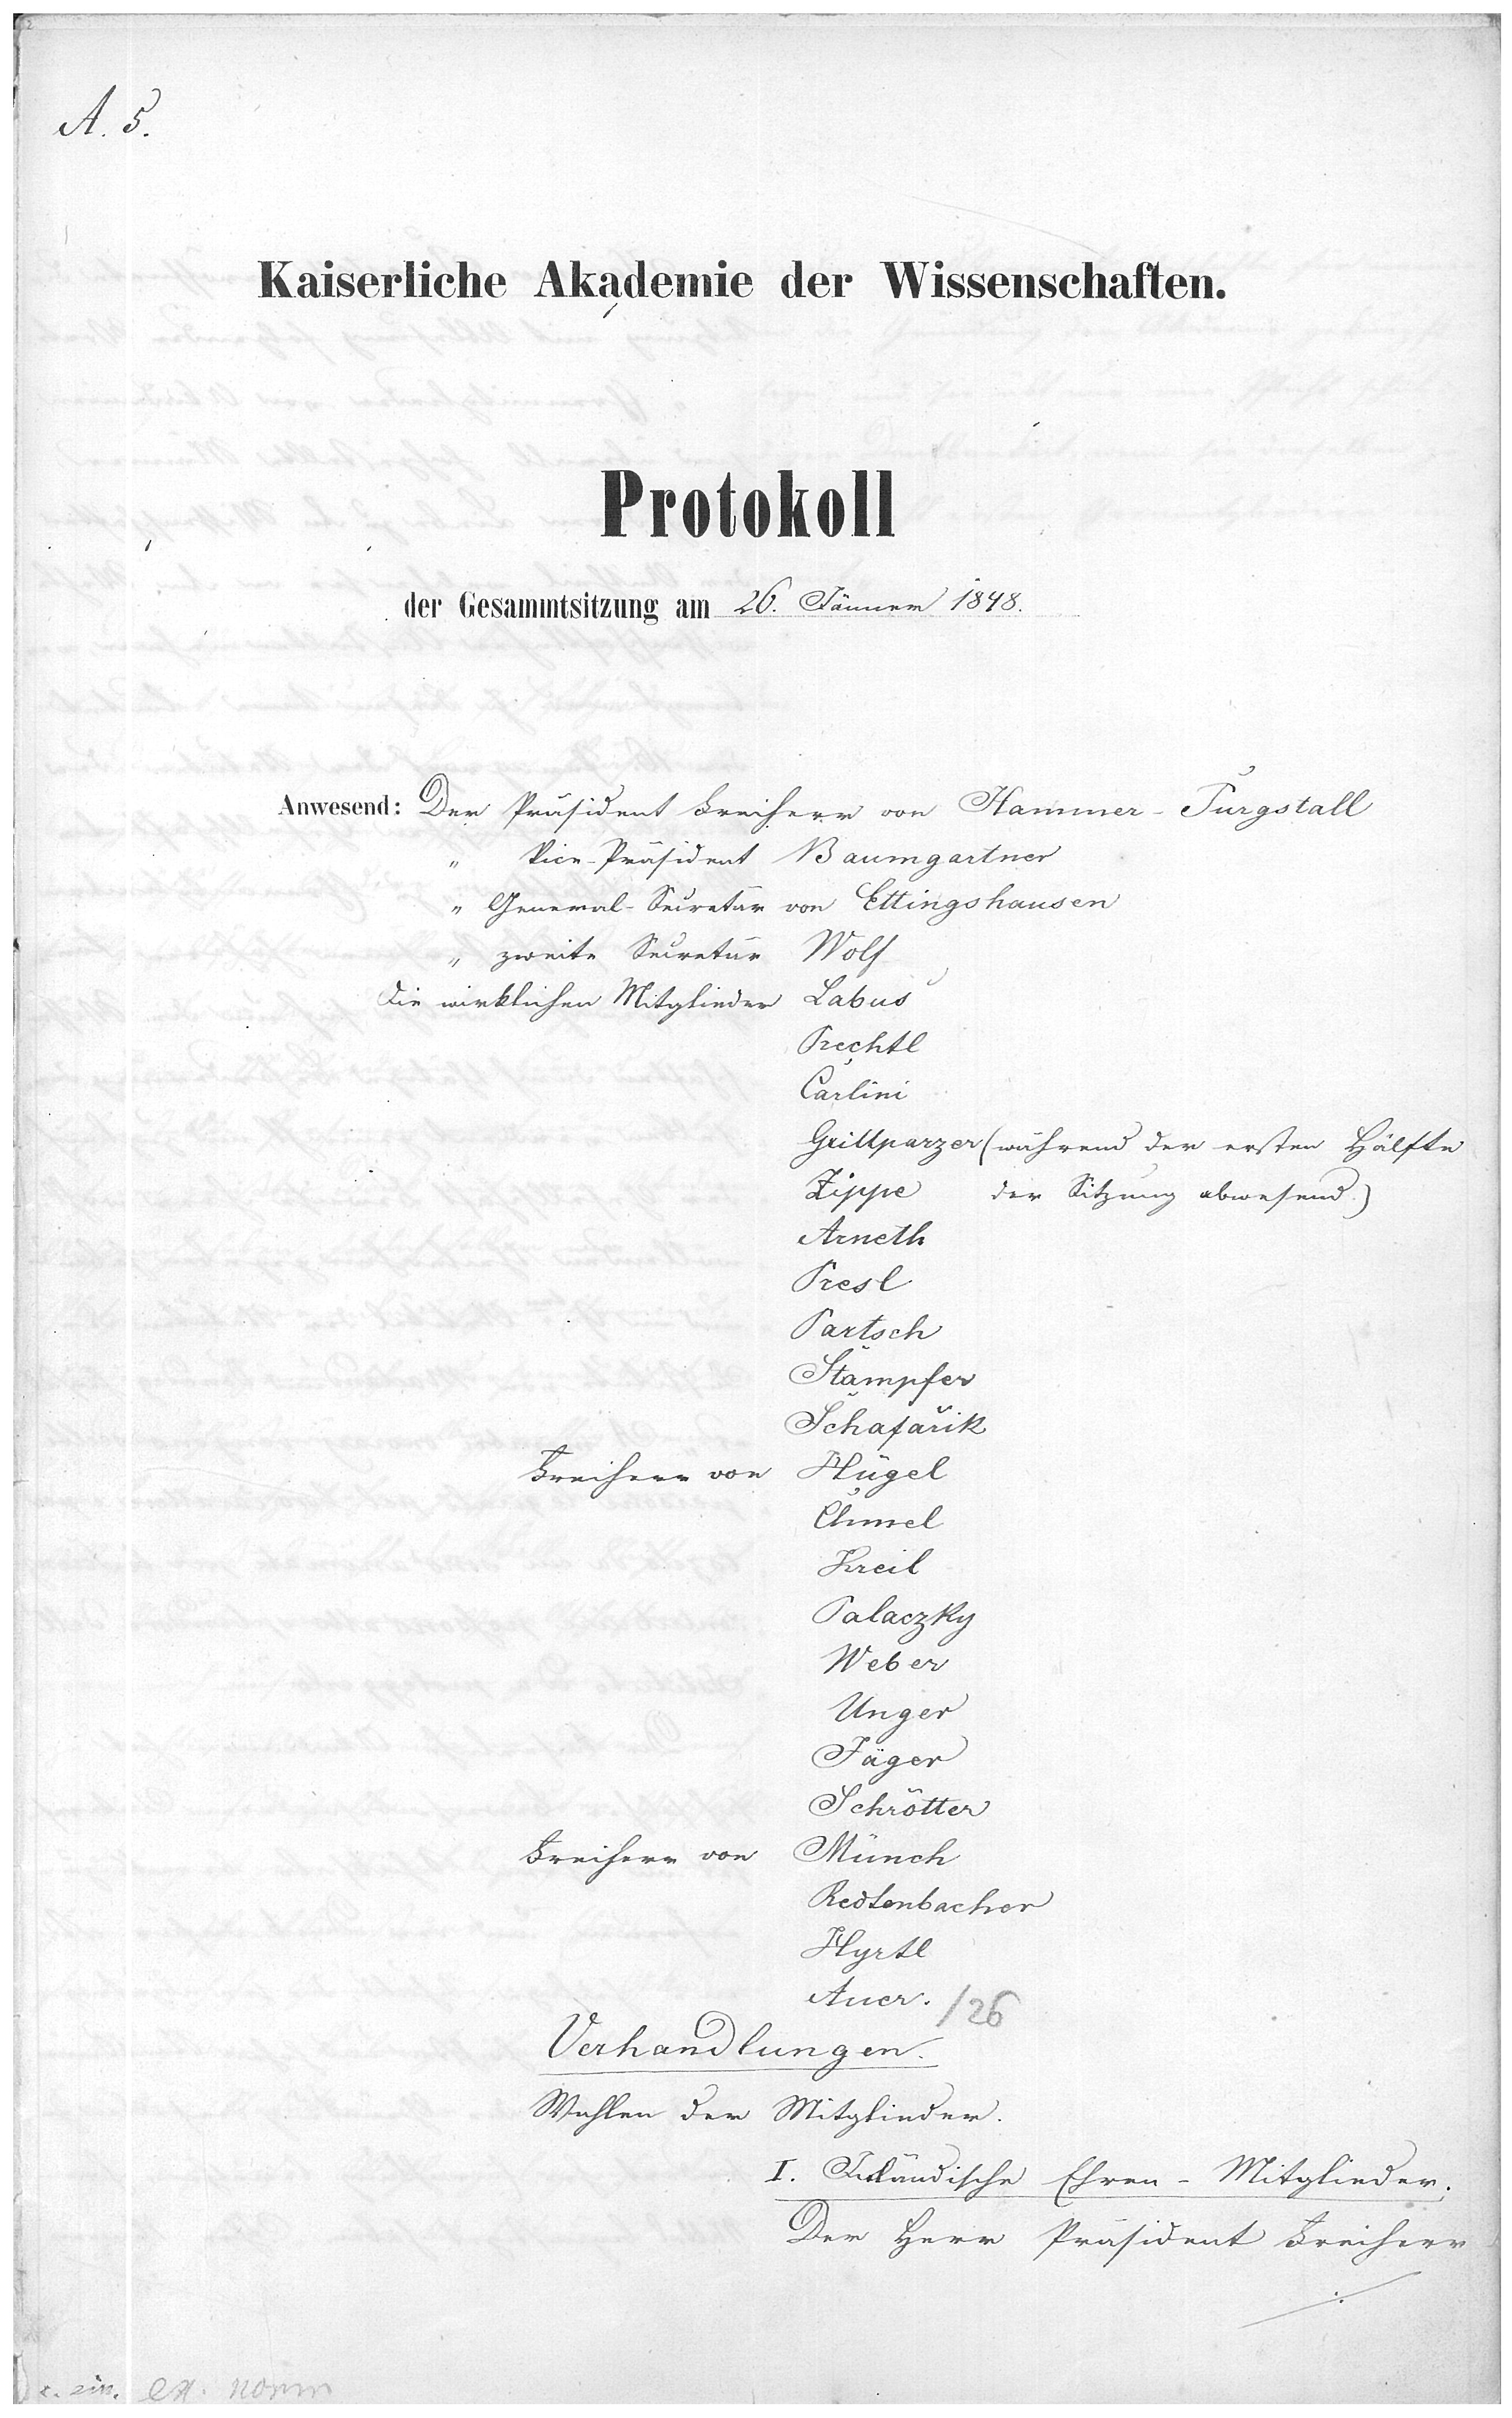A. 5.
Kaiserliche Akademie der Wissenschaften.
Protokoll
der Gesammtsitzung am 26. Jänner 1848.
Anwesend: Der Präsident Freiherr von Hammer-Purgstall
" Vice-Präsident Baumgartner
" General-Secretär von Ettingshausen
" zweite Secretär Wolf
Die wirklichen Mitglieder Labus
Prechtl
Carlini
Grillparzer (während der ersten Hälfte
Zippe der Sitzung abwesend)
Arneth
Presl
Partsch
Stampfer
Schafarik
Freiherr von Hügel
Chmel
Kreil
Palaczky
Weber
Unger
Jäger
Schrötter
Freiherr von Münch
Redtenbacher
Hyrtl
Auer
Verhandlungen.
Wahlen der Mitglieder.
I. Inländische Ehren-Mitglieder.
Der Herr Präsident Freiherr